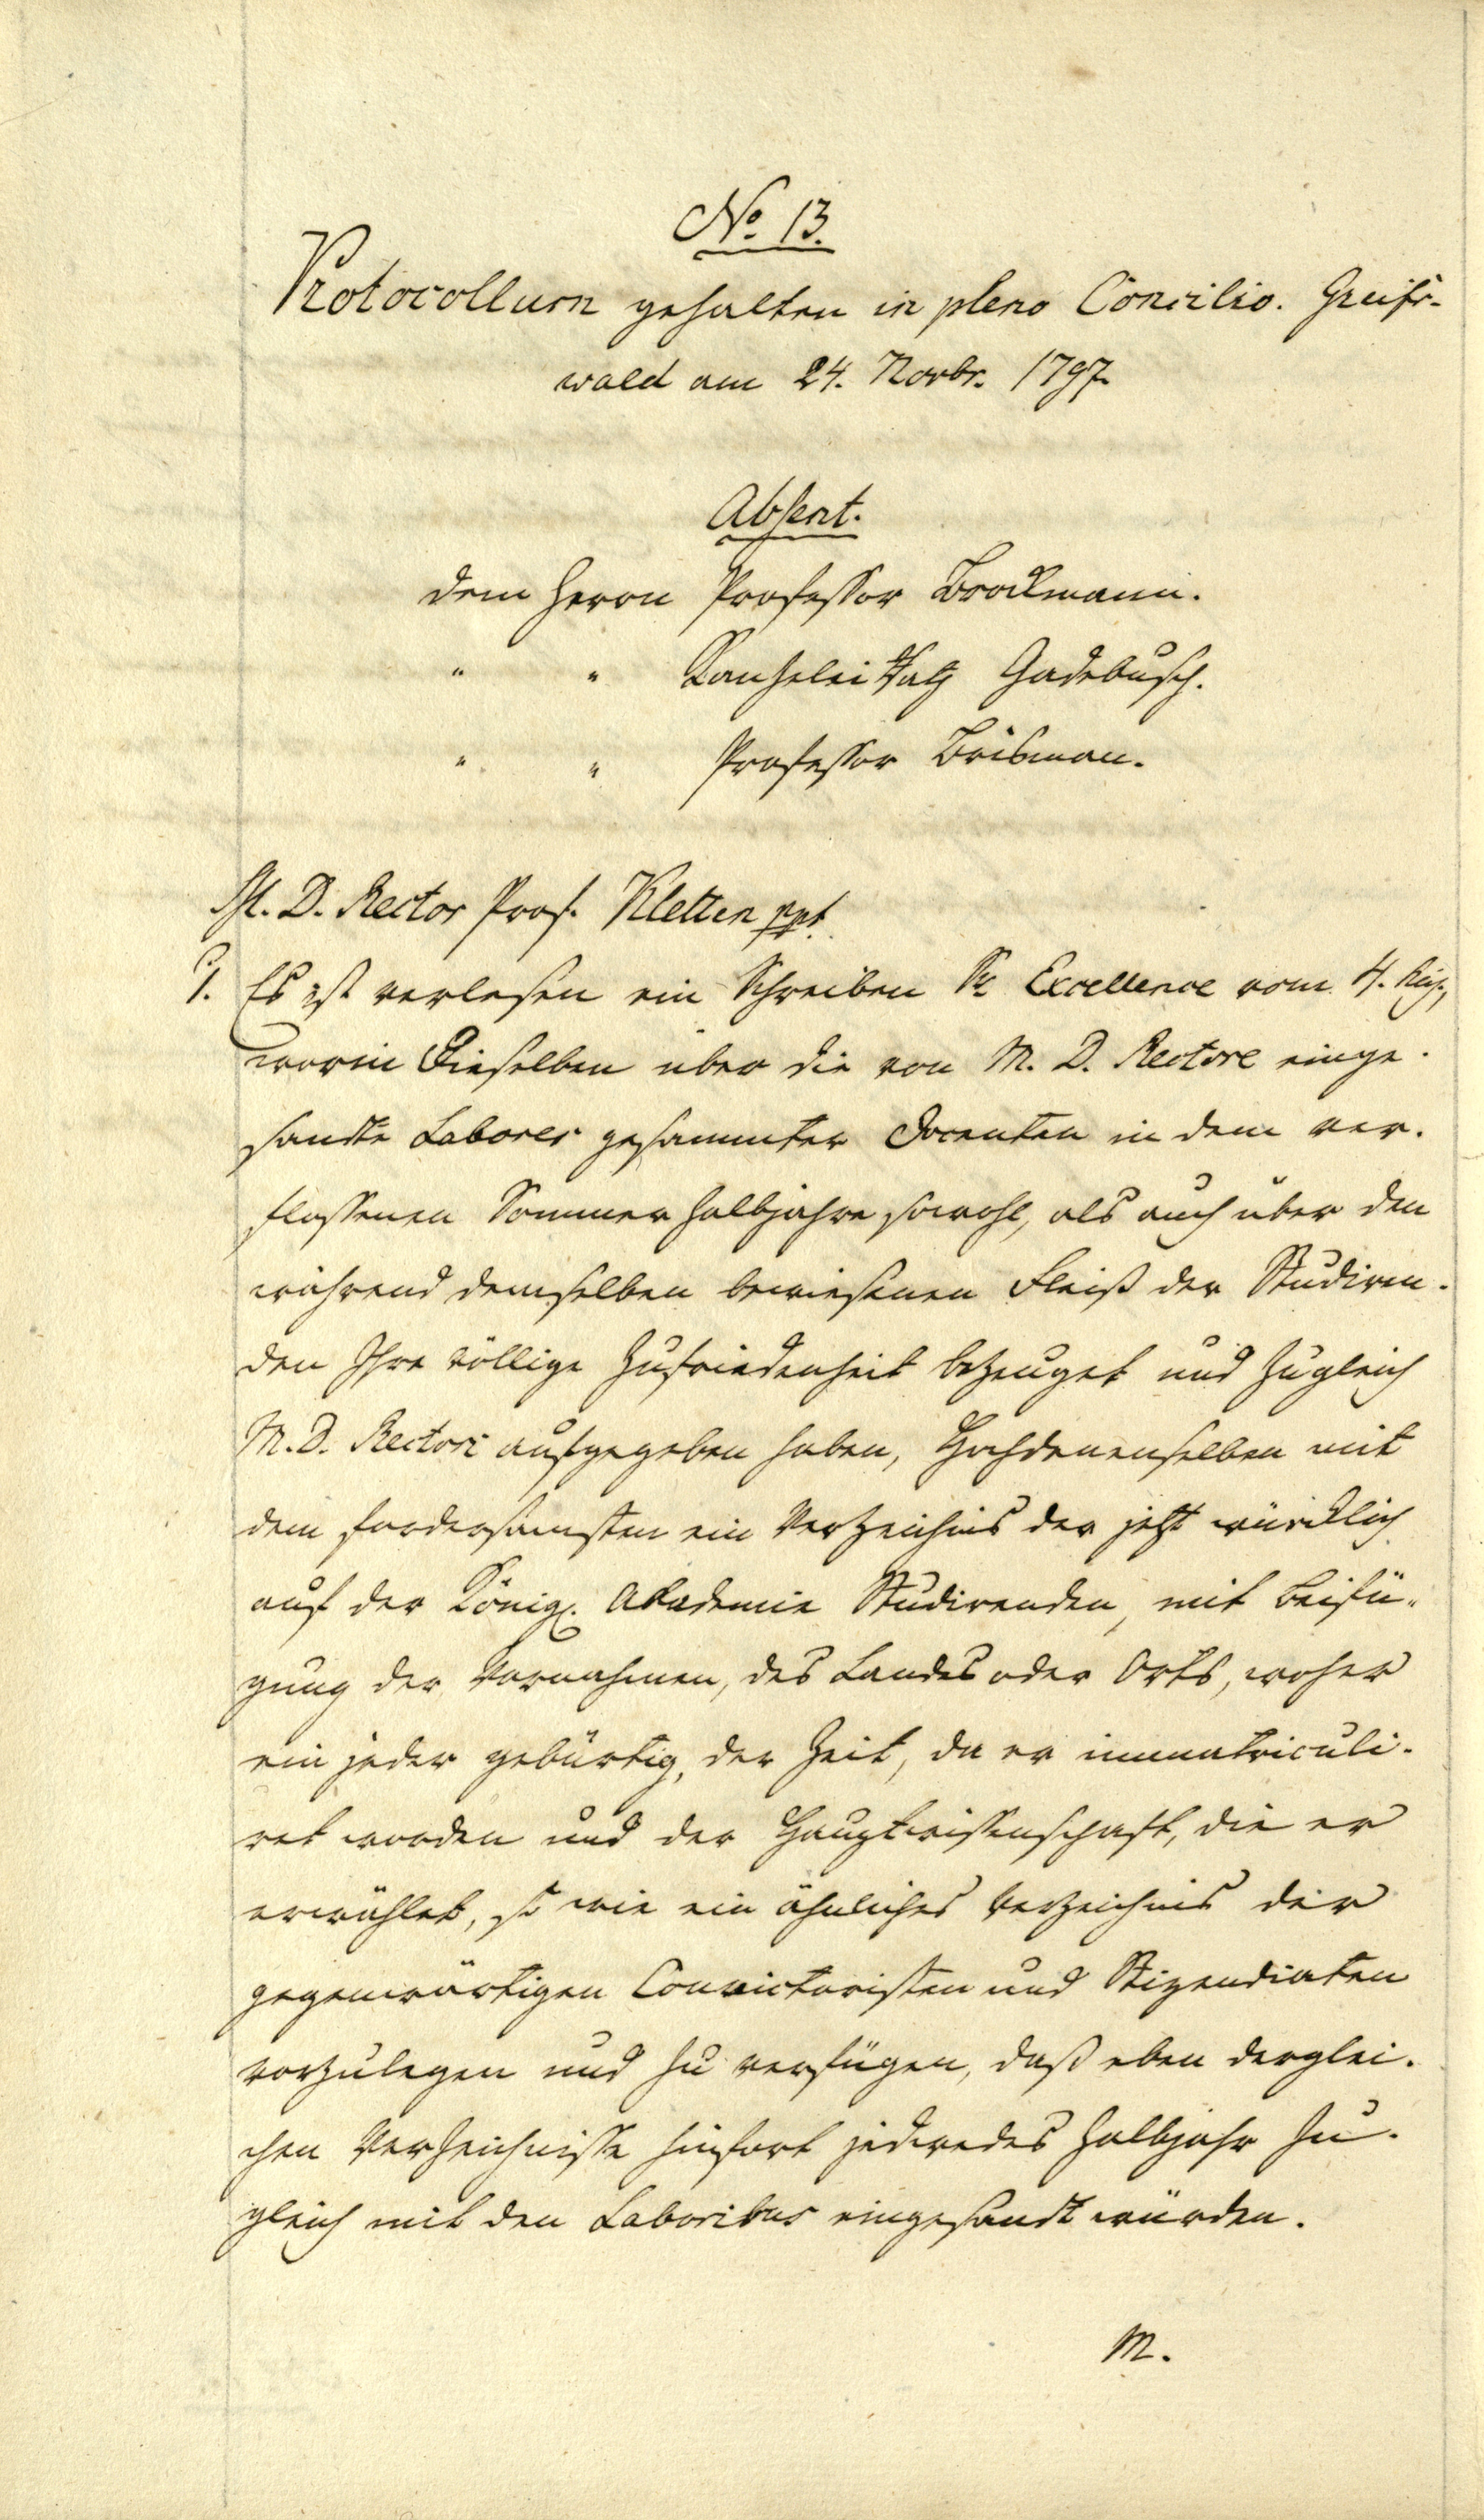No 13.
Protocollum gehalten in pleno Concilio. Geifs¬
wald am 24. Novbr. 1797.
Absent.
dem herrn Professor Brockmann.
KanzeleiRath Gadebusch.
Professor Brisman.
M. D. Rector Prof. Kletten ppt.
1. Es ist verlesen ein Schreiben Sr Excellence vom 4. huj.,
worin Dieselben über die von M. D. Rectore einge¬
sandte Labores gesammter Docenten in dem ver¬
flossenen Sommer Halbjahre sowohl, als auch über den
während demselben bewiesenen Fleiß der Studiren¬
den Ihre völlige Zufriedenheit bezeuget und zugleich
M. D. Rector aufgegeben haben, Hochdenenselben mit
dem fordersamsten ein Verzeichnis der jetzt würcklich
auf der Königl. Akademie Studirenden, mit Beifü¬
gung der Vornahmen, des Landes oder Orts, woher
ein jeder gebürtig, der Zeit, da er immatriculi¬
ret worden und der Hauptwissenschaft, die er
erwählet, so wie ein ähnliches Verzeichnis der
gegenwärtigen Convictoristen und Stipendiaten
vorzulegen und zu verfügen, daß eben derglei¬
chen Verzeichnisse hinfort jedwedes Halbjahr zu¬
gleich mit den Laboribus eingesandt würden.
M.